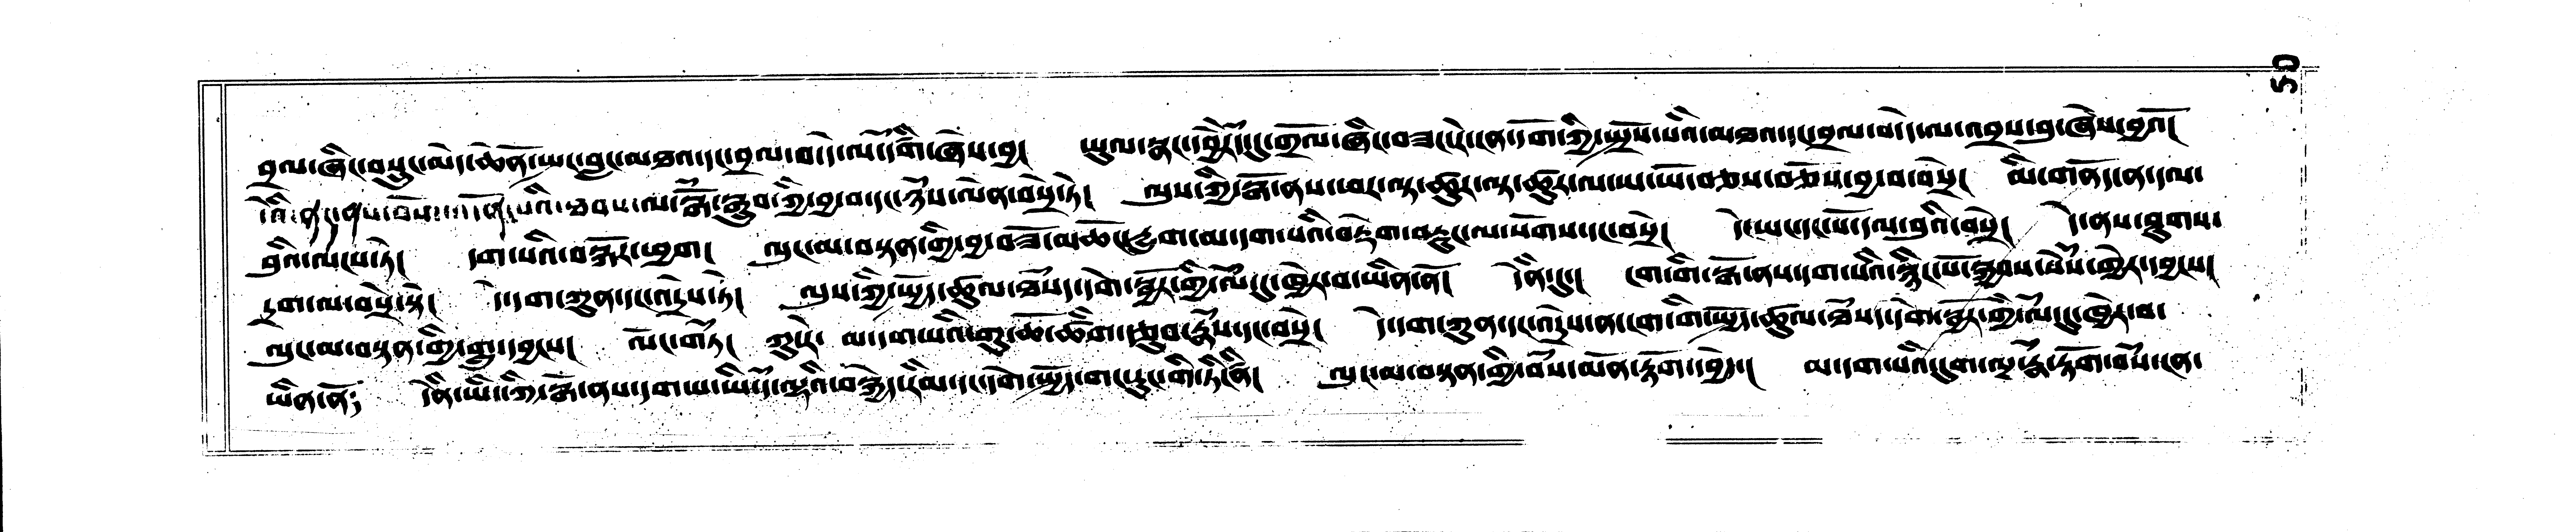བྲལ་ཞིང་བསྲུང་མེད་ཆེན་པོ་སྤང་བླང་མཐའ་དག་དང་བྲལ་བ་དེ་ལ་དམ་ཚིག་ཅེས་བྱ། ཡུལ་སྣང་དབྱེར་མེད་དུ་གྲོལ་ཞིང་བཟང་རེ་ངན་དྭོགས་ཀྱི་སྤྲོས་པའི་མཐའ་དང་བྲལ་བ་དེ་ལ་འབྲས་བུ་ཞེས་བྱའོ། །
དེའི་ནང་ནས་བོགས་འདོན་པའི་ཐབས་ལ་སྒོམ་སྒྲུབ་ཀྱི་བྱ་བ་དང་ཉམས་ལེན་བསྲེ་སྟེ། ལུས་ཀྱི་སྒོ་ནས་ཕར་ལྟ་ཚུར་ལྟ་ཚུལ་ལ་ཡ་ཡོི་བཅས་བཅོས་བྱ་བར་བསྲེ། མི་གནོད་ན་དལ་
བུས་ལངས་ཏེ། དག་པའི་སྐོར་ཕྱག ལུང་མ་བསྟན་གྱི་བྱ་བཟོ་མཆོང་རྒྱུག་མ་དག་པའི་བརྡེག་བརྡུང་ལ་སོགས་དང་བསྲེ། དེ་ཡང་དང་པོ་དལ་བུས་བསྲེ། དེ་ནས་ཤུགས་
དྲག་ལ་བསྲེ་སྟེ། དེ་དག་ཀུན་དང་འདྲེས་ཏེ་ལུས་ཀྱི་སྤྱོད་ཚུལ་ཐམས་ཅད་དགེ་སྦྱོར་གྱི་ལམ་དུ་ཁྱེར་བ་ཡིན་ནོ། །དེ་བཞིན་དུ། ངག་གི་སྒོ་ནས་དག་པའི་སྙིང་པོ་སྐྱབས་སེམས་གྱེར་དབྱངས། 
ལུང་མ་བསྟན་གྱི་གླུ་དབྱངས། ལོང་གཏམ། ཀུ་རེ། མ་དག་པའི་ཀུ་ཅོ། ཚིག་རྩུབ་རྣམས་དང་བསྲེ། དེ་དག་ཀུན་དང་འདྲེས་ན་ངག་གི་སྤྱོད་ཚུལ་ཐམས་ཅད་དགེ་སྦྱོར་གྱི་ལམ་དུ་ཁྱེར་བ་
ཡིན་ནོ། །དེ་བཞིན་ཡིད་ཀྱི་སྒོ་ནས་དག་པ་ཡི་དམ་ལྷའི་བསྐྱེད་རིམ་དང་དགེ་སྤྱོད་གང་རུང་གི་ཏིང་ངེ་འཛིན། ལུང་མ་བསྟན་གྱི་བསམ་མནོ་རྟོག་དཔྱོད། མ་དག་པའི་དུག་ལྔ་རྣམ་རྟོག་བསམ་ངན་